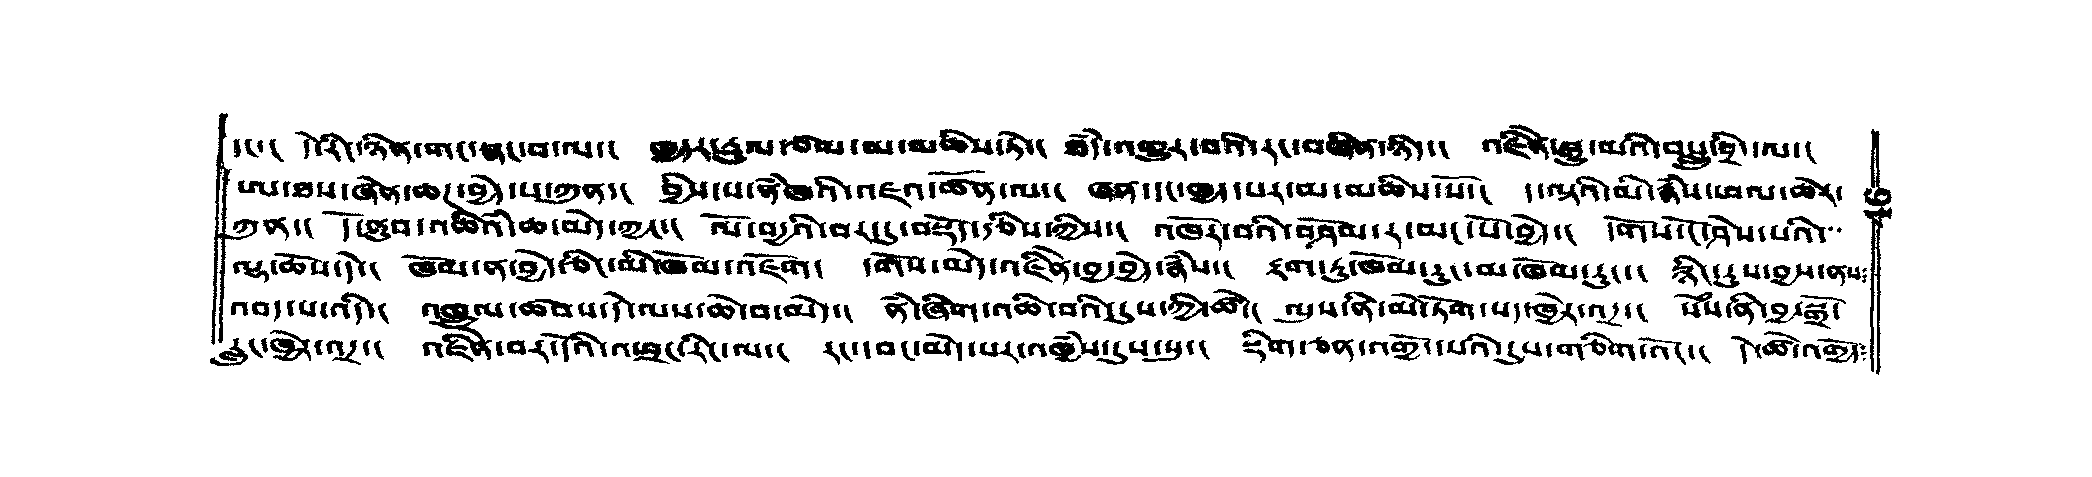དང་། །ཁྱད་པར་རྡུལ་ཙམ་མ་མཆིས་ཏེ། །ཐམས་ཅད་འགྱུར་བའི་རང་བཞིན་ཉིད། །འཇིག་རྟེན་སྒྱུ་མའི་བསླུ་བྲིད་ལ། །
ཨ་འཐས་ཞེན་ཆགས་བྱེད་པ་ཀུན། །བྱིས་པ་ནམ་མཁའི་རང་བཞིན་ལ། །ཞན་དང་ཁྱད་པར་མ་མཆིས་པས། །ད་ལྟའི་མི་རྣམས་ཕལ་ཆེར་
ཀུན། །དོ་ནུབ་འཆིའམ་ཆ་མེད་ཀྱང་། །ལོ་བརྒྱའི་བར་དུ་བསྡོད་རྩིས་ཀྱིས། །འཁོར་བའི་བཤོམ་ར་མང་པོ་བྱེད། །དགོས་ངོ་ཤེས་པའི་
ལྷ་ཆོས་དེ། །ཁོམས་ན་བྱེད་ཅིང་མི་ཁོམས་འཇོག །དགོས་མེད་འཇིག་རྟེན་བྱ་བྱེད་རྣམས། །རྟག་ཏུ་ཁོམས་རུང་མ་ཁོམས་རུང་། །སྙིང་རུས་བྱས་ནས་
འབད་པ་འདི། །འཁྲུལ་ཚབས་དེ་ལས་ཆེ་བ་མེད། །ནམ་ཞིག་འཆི་བའི་དུས་ཀྱི་ཚེ། །ལུས་ནི་མེ་ཏོག་སད་ཁྱེར་འདྲ། ། སེམས་ནི་བྱ་སྒྲོ་
རླུང་ཁྱེར་འདྲ་། འཇིག་རྟེན་བར་དོའི་འཕྲང་རིང་ལ། །རང་དབང་མེད་པར་འཁྱམས་དུས་སུ། །སྡིག་ཅན་འགྱོད་པའི་དུས་གཅིག་འོང་། །དེ་ཚེ་འགྱོད་